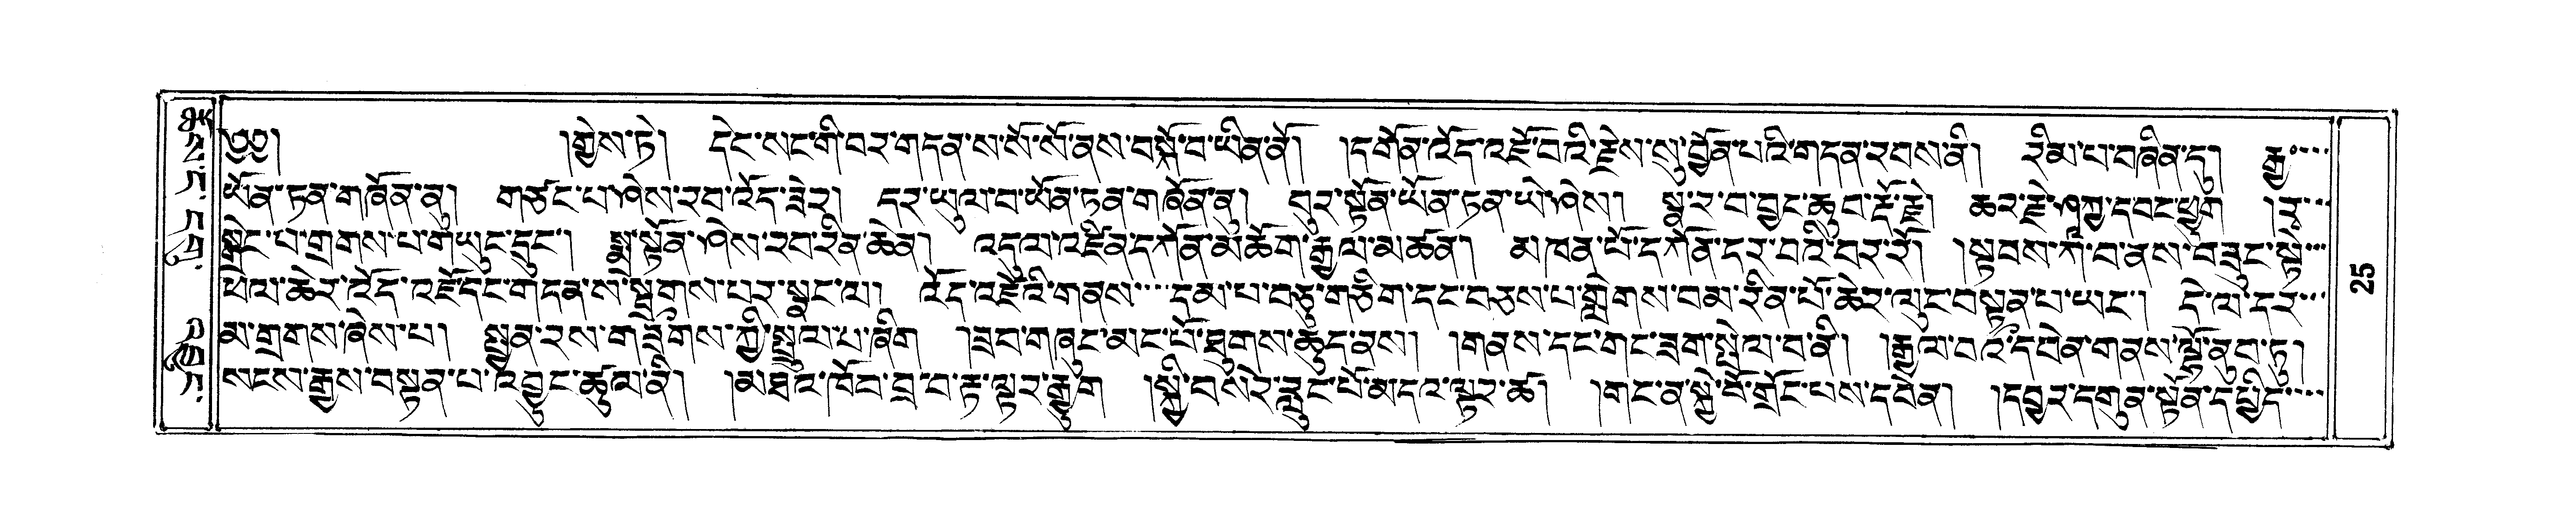༄༅། །གྱེས་ཏེ། དེང་སང་གི་བར་གདན་ས་སོ་སོ་ནས་བསྐོ་བ་ཡིན་ནོ། །དགོན་འོད་འཇོ་བའི་རྗེས་སུ་བྱོན་པའི་གདན་རབས་ནི། རིམ་པ་བཞིན་དུ། རྒྱ་
ཡོན་ཏན་གཞོན་ནུ། གཙང་པ་ཤེས་རབ་འོད་ཟེར། དར་ཡུལ་བ་ཡོན་ཏན་གཞོན་ནུ། བུར་སྟོན་ཡོན་ཏན་ཡེ་ཤེས། སྣ་ར་བ་བྱང་ཆུབ་རྡོ་རྗེ། ཆར་རྗེ་ཤཱཀྱ་དབང་ཕྱུག །རྭ་
སྒྲེང་པ་གྲགས་པ་གཡུང་དྲུང་། སྨྲ་སྟོན་ཤེས་རབ་རིན་ཆེན། འདུལ་འཛིན་དཀོན་མཆོག་རྒྱལ་མཚན། མཁན་པོ་དཀོན་དར་བའི་བར་རོ། །སྟབས་ཀ་བ་ནས་བཟུང་སྟེ་
ཕལ་ཆེར་འོད་འཇོ་དང་གདན་ས་སྦྲགས་པར་སྣང་ལ། འོད་འཇོའི་གནས་དམ་པ་བཅུ་གཅིག་དང་བཅས་པ་གླེགས་བམ་རིན་པོ་ཆེར་ལུང་བསྟན་པ་ཡང་། དེ་ལ་དར་
མ་གྲགས་ཞེས་པ། སྤྱན་རས་གཟྀགས་ཀྱི་སྤྲུལ་པ་ཞིག །ཟབ་གཞུང་མང་པོ་ཐུགས་ཆུད་ནས། །གནས་དང་གང་ཟག་སྤེལ་བ་ནི། །རྒྱལ་བཱྀ་དབེན་གནས་ལྷོ་ནུབ་ཏུ།
སངས་རྒྱས་བསྟན་པ་འབྱུང་ཚུལ་ནི། །མཐའ་ཁོབ་བྲ་བ་རྟ་ལྟར་རྒྱུག །སྐྱི་བསེར་རླུང་པོ་མདའ་ལྟར་ཚ། །གང་ན་སྐྱེ་བོ་གྲོང་པས་དབེན། །དབྱར་དགུན་སྟོན་དཔྱིད་